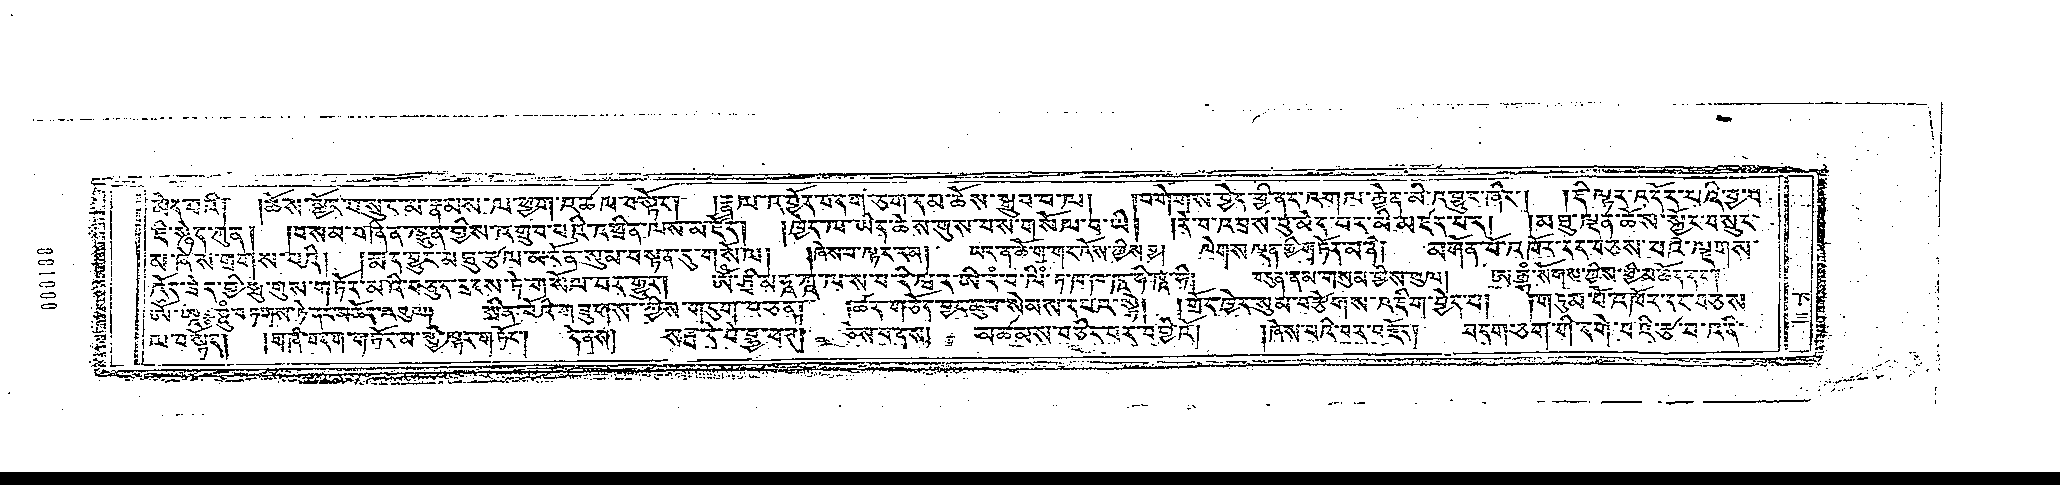མེད་པའི། །ཆོས་སྐྱོང་བསྲུང་མ་རྣམས་ལ་ཕྱག་འཚལ་བསྟོད། །རྣལ་འབྱོར་བདག་ཅག་དམ་ཆོས་སྒྲུབ་པ་ལ། །བགེགས་བྱེད་ཕྱི་ནང་འགལ་རྐྱེན་མི་འབྱུང་ཞིང་། །ཇི་ལྟར་འདོད་པའི་བྱ་བ་
ཇི་སྙེད་ཀུན། །བསམ་བཞིན་ལྷུན་གྱིས་འགྲུབ་པའི་འཕྲིན་ལས་མཛོད། །ཁྱེད་ལ་ཡིད་ཆེས་གུས་པས་གསོལ་པ་ཡི། །རེ་བ་འབྲས་བུ་མེད་པར་མི་མཛད་པར། །མཐུ་ལྡན་ཆོས་སྐྱོང་བསྲུང་
མ་ཞེས་གྲགས་པའི། །རྨད་བྱུང་མཐུ་རྩལ་མངོན་སུམ་བསྟན་དུ་གསོལ། །ཞེས་བ་ལྟར་ནམ། ཡང་ན་ཆོ་ག་གང་འོས་ཀྱིས་བྱ། ལེགས་ལྡན་གྱི་གཏོར་མ་ནི། མགོན་པོ་འཁོར་དང་བཅས་པའི་ལྗགས་
འོད་ཟེར་གྱི་སྤུ་གུས་གཏོང་མའི་བཅུད་དྲངས་ཏེ་གསོལ་པར་གྱུར། ཨོཾ་ཤྲི་མ་ཧཱ་ཀཱ་ལས་པ་རི་ཝ་ར་ཨི་ངཾ་བ་ལིཾ་ཏ་ཁ་ཁ་ཁཱ་ཧི་ཁཱ་ཧི། བདུན་ནམ་གསུམ་ཀྱིས་ཕུལ། ཨརྒྷཾ་སོགས་ཀྱིས་ཕྱི་མཆོད་དང་།
ཨོཾ་ཨཱཿ་ཧཱུཾ་བཏགས་ཏེ་ནང་མཆོད་འབུལ། སྲིན་པོའི་གཟུགས་ཀྱིས་གདུག་པ་ཅན། །ཚར་གཅོད་བྱང་ཆུབ་སེམས་དཔའ་སྟེ། །གྲོང་ཁྱེད་སུམ་བརྩེགས་འཇིག་བྱེད་པ། །གཏུམ་པོ་འཁོར་དང་བཅས་
ལ་བསྟོད། །གཞི་བདག་གཏོར་མ་སྤྱི་ལྟར་གཏོང་། དེ་ནས། སརྦ་དེ་བེ་བྷྱ་ཕཊ། ཅེས་པ་ནས། །མཚམས་བཅིང་བར་བགྱིའོ། །ཞེས་པའི་བར་བརྗོད། བདག་ཅག་གི་དགེ་བའི་རྩ་བ་འདི་